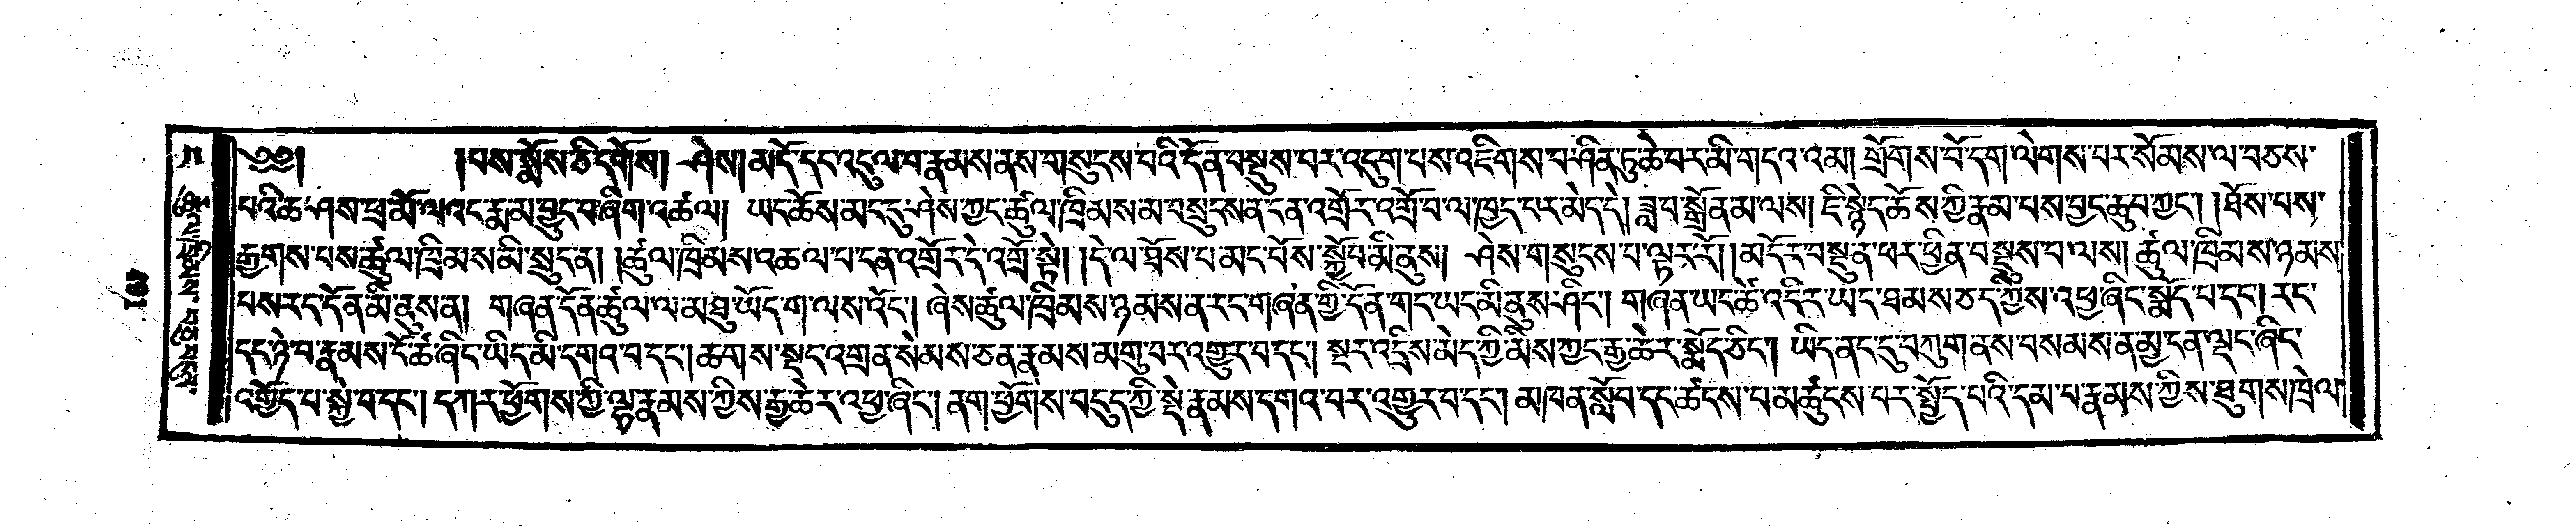༄༅། །པས་སྨོས་ཅི་དགོས། ཤེས། མདོ་དང་འདུལ་བ་རྣམས་ནས་གསུངས་པའི་དོན་བསྡུས་པར་འདུག་པས་འཇིགས་པ་ཤིན་ཏུ་ཆེ་བར་མི་གདའ་འམ། གྲོགས་པོ་དག་ལེགས་པར་སོམས་ལ་བཅས་
པའི་ཆ་ཤས་ཕྲ་མོ་ལའང་རྨ་མ་བྱུང་བ་ཞིག་འཚལ། ཡང་ཆོས་མང་དུ་ཤེས་ཀྱང་ཚུལ་ཁྲིམས་མ་བསྲུངས་ནང་ན་འགྲོར་འགྲོ་བ་ལ་ཁྱད་པར་མེད་དེ། ཟླ་བ་སྒྲོན་མ་ལས། ཇི་སྙེད་ཆོས་ཀྱི་རྣམ་པས་བྱང་ཆུབ་ཀྱང་། །ཐོས་པས་
རྒྱགས་པས་ཚུལ་ཁྲིམས་མི་སྲུང་ན། །ཚུལ་ཁྲིམས་འཆལ་བ་ངན་འགྲོར་དེ་འགྲོ་སྟེ། །དེ་ལ་ཐོས་པ་མང་པོས་སྐྱོབ་མི་ནུས། ཤེས་གསུངས་པ་ལྟར་རོ། །མདོར་བསྡུ་ན་ཕར་ཕྱིན་བསྡུས་པ་ལས། ཚུལ་ཁྲིམས་ཉམས་
པས་རང་དོན་མི་ནུས་ན། གཞན་དོན་ཚུལ་ལ་མཐུ་ཡོང་ག་ལས་འོང་། ཞེས་ཚུལ་ཁྲིམས་ཉམས་ན་རང་གཞན་གྱི་དོན་གང་ཡང་མི་ནུས་ཤིང་། གཞན་ཡང་ཚེ་འདིར་ཡང་ཐམས་ཅད་ཀྱིས་འཕྱ་ཞིང་སྨོད་པ་དང་། རང་
དང་ཉེ་བ་རྣམས་ངོ་ཚ་ཞིང་ཡིད་མི་དགའ་བ་དང་། ཆགས་སྡང་འགྲན་སེམས་ཅན་རྣམས་མགུ་བར་འགྱུར་བ་དང་། སྔར་འདྲིས་མེད་ཀྱི་མིས་ཀྱང་རྒྱ་ཆེར་སྨོད་ཅིང་། ཡིད་ནང་དུ་བཀུག་ནས་བསམས་ན་མྱ་ངན་ལྡང་ཞིང་
འགྱོད་པ་སྐྱེ་བ་དང་། དཀར་ཕྱོགས་ཀྱི་ལྷ་རྣམས་ཀྱིས་རྒྱ་ཆེར་འཕྱ་ཞིང་། ནག་ཕྱོགས་བདུད་ཀྱི་སྡེ་རྣམས་དགའ་བར་འགྱུར་བ་དང་། མཁན་སློབ་དང་ཚངས་པ་མཚུངས་པར་སྤྱོད་པའི་དམ་པ་རྣམས་ཀྱིས་ཐུགས་ཁྲེལ་